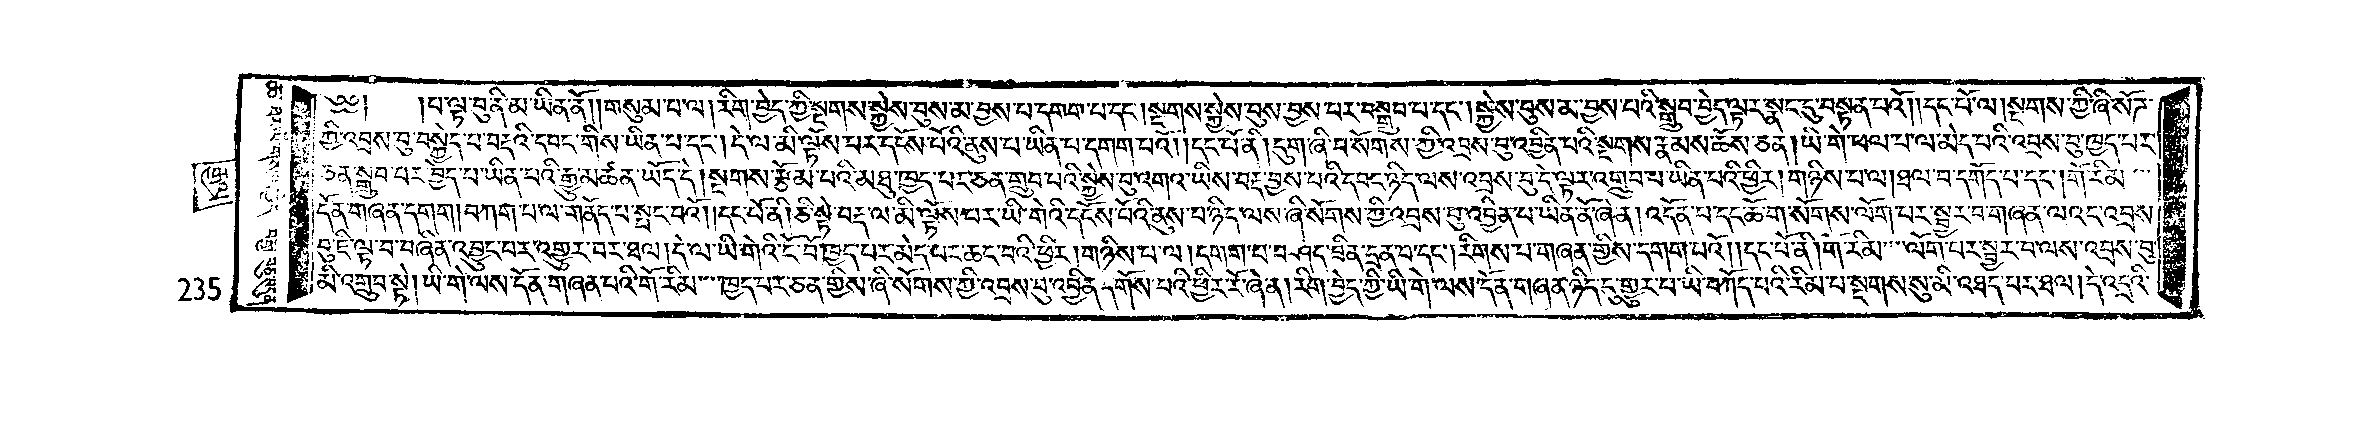༄༅། །པ་ལྟ་བུ་ནི་མ་ཡིན་ནོ། །གསུམ་པ་ལ། རིག་བྱེད་ཀྱི་སྔགས་སྐྱེས་བུས་མ་བྱས་པ་དགག་པ་དང་། སྔགས་སྐྱེས་བུས་བྱས་པར་བསྒྲུབ་པ་དང་། སྐྱེས་བུས་མ་བྱས་པའི་སྒྲུབ་བྱེད་ལྟར་སྣང་དུ་བསྟན་པའོ། །དང་པོ་ལ། སྔགས་ཀྱི་ཞི་སོཌ་
ཀྱི་འབྲས་བུ་བསྐྱེད་པ་བརྡའི་དབང་གིས་ཡིན་པ་དང་། དེ་ལ་མི་ལྟོས་པར་དངོས་པོའི་ནུས་པ་ཡིན་པ་དགག་པའོ། །དང་པོ་ནི། དུག་ཞི་བ་སོགས་ཀྱི་འབྲས་བུ་འབྱིན་པའི་སྔགས་རྣམས་ཆོས་ཅན། ཡི་གེ་ཕལ་པ་ལ་མེད་པའི་འབྲས་བུ་ཁྱད་པར་
ཅན་སྒྲུབ་པར་བྱེད་པ་ཡིན་པའི་རྒྱུ་མཚན་ཡོད་དེ། སྔགས་རྩོམ་པའི་མཐུ་ཁྱད་པར་ཅན་གྲུབ་པའི་སྐྱེས་བུ་འགའ་ཡིས་བརྡ་བྱས་པའི་དབང་ཉིད་ལས་འབྲས་བུ་དེ་ལྟར་འགྲུབ་པ་ཡིན་པའི་ཕྱིར། གཉིས་པ་ལ། ཐལ་བ་དགོད་པ་དང་། གོ་རིམ་
དོན་གཞན་དགག ། བཀག་པ་ལ་གནོད་པ་སྤང་བའོ། །དང་པོ་ནི། ཅི་སྟེ་བརྡ་ལ་མི་ལྟོས་པར་ཡི་གེའི་དངོས་པོའི་ནུས་པ་ཉིད་ལས་ཞི་སོགས་ཀྱི་འབྲས་བུ་འབྱིན་པ་ཡིན་ནོ་ཞེ་ན། འདོན་པ་དང་ཆོ་ག་སོགས་ལོག་པར་སྦྱར་བ་གཞན་ལའང་འབྲས་
བུ་ཇི་ལྟ་བ་བཞིན་འབྱུང་བར་འགྱུར་བར་ཐལ། དེ་ལ་ཡི་གེའི་ངོ་བོ་ཁྱད་པར་མེད་པར་ཆང་བའི་ཕྱིར། གཉིས་པ་ལ། དགག་པ་བཤད་ཟིན་དྲན་པ་དང་། རིགས་པ་གཞན་གྱིས་དགག་པའོ། །དང་པོ་ནི། གོ་རིམ་ལོག་པར་སྦྱར་བ་ལས་འབྲས་བུ་
མི་འགྲུབ་སྟེ། ཡི་གེ་ལས་དོན་གཞན་པའི་གོ་རིམ་ཁྱད་པར་ཅན་གྱིས་ཞི་སོགས་ཀྱི་འབྲས་བུ་འབྱིན་དགོས་པའི་ཕྱིར་རོ་ཞེ་ན། རིག་བྱེད་ཀྱི་ཡི་གེ་ལས་དོན་གཞན་ཉིད་དུ་གྱུར་པ་ཡི་བཀོད་པའི་རིམ་པ་སྔགས་སུ་མི་འཐད་པར་ཐལ། དེ་འདྲའི་